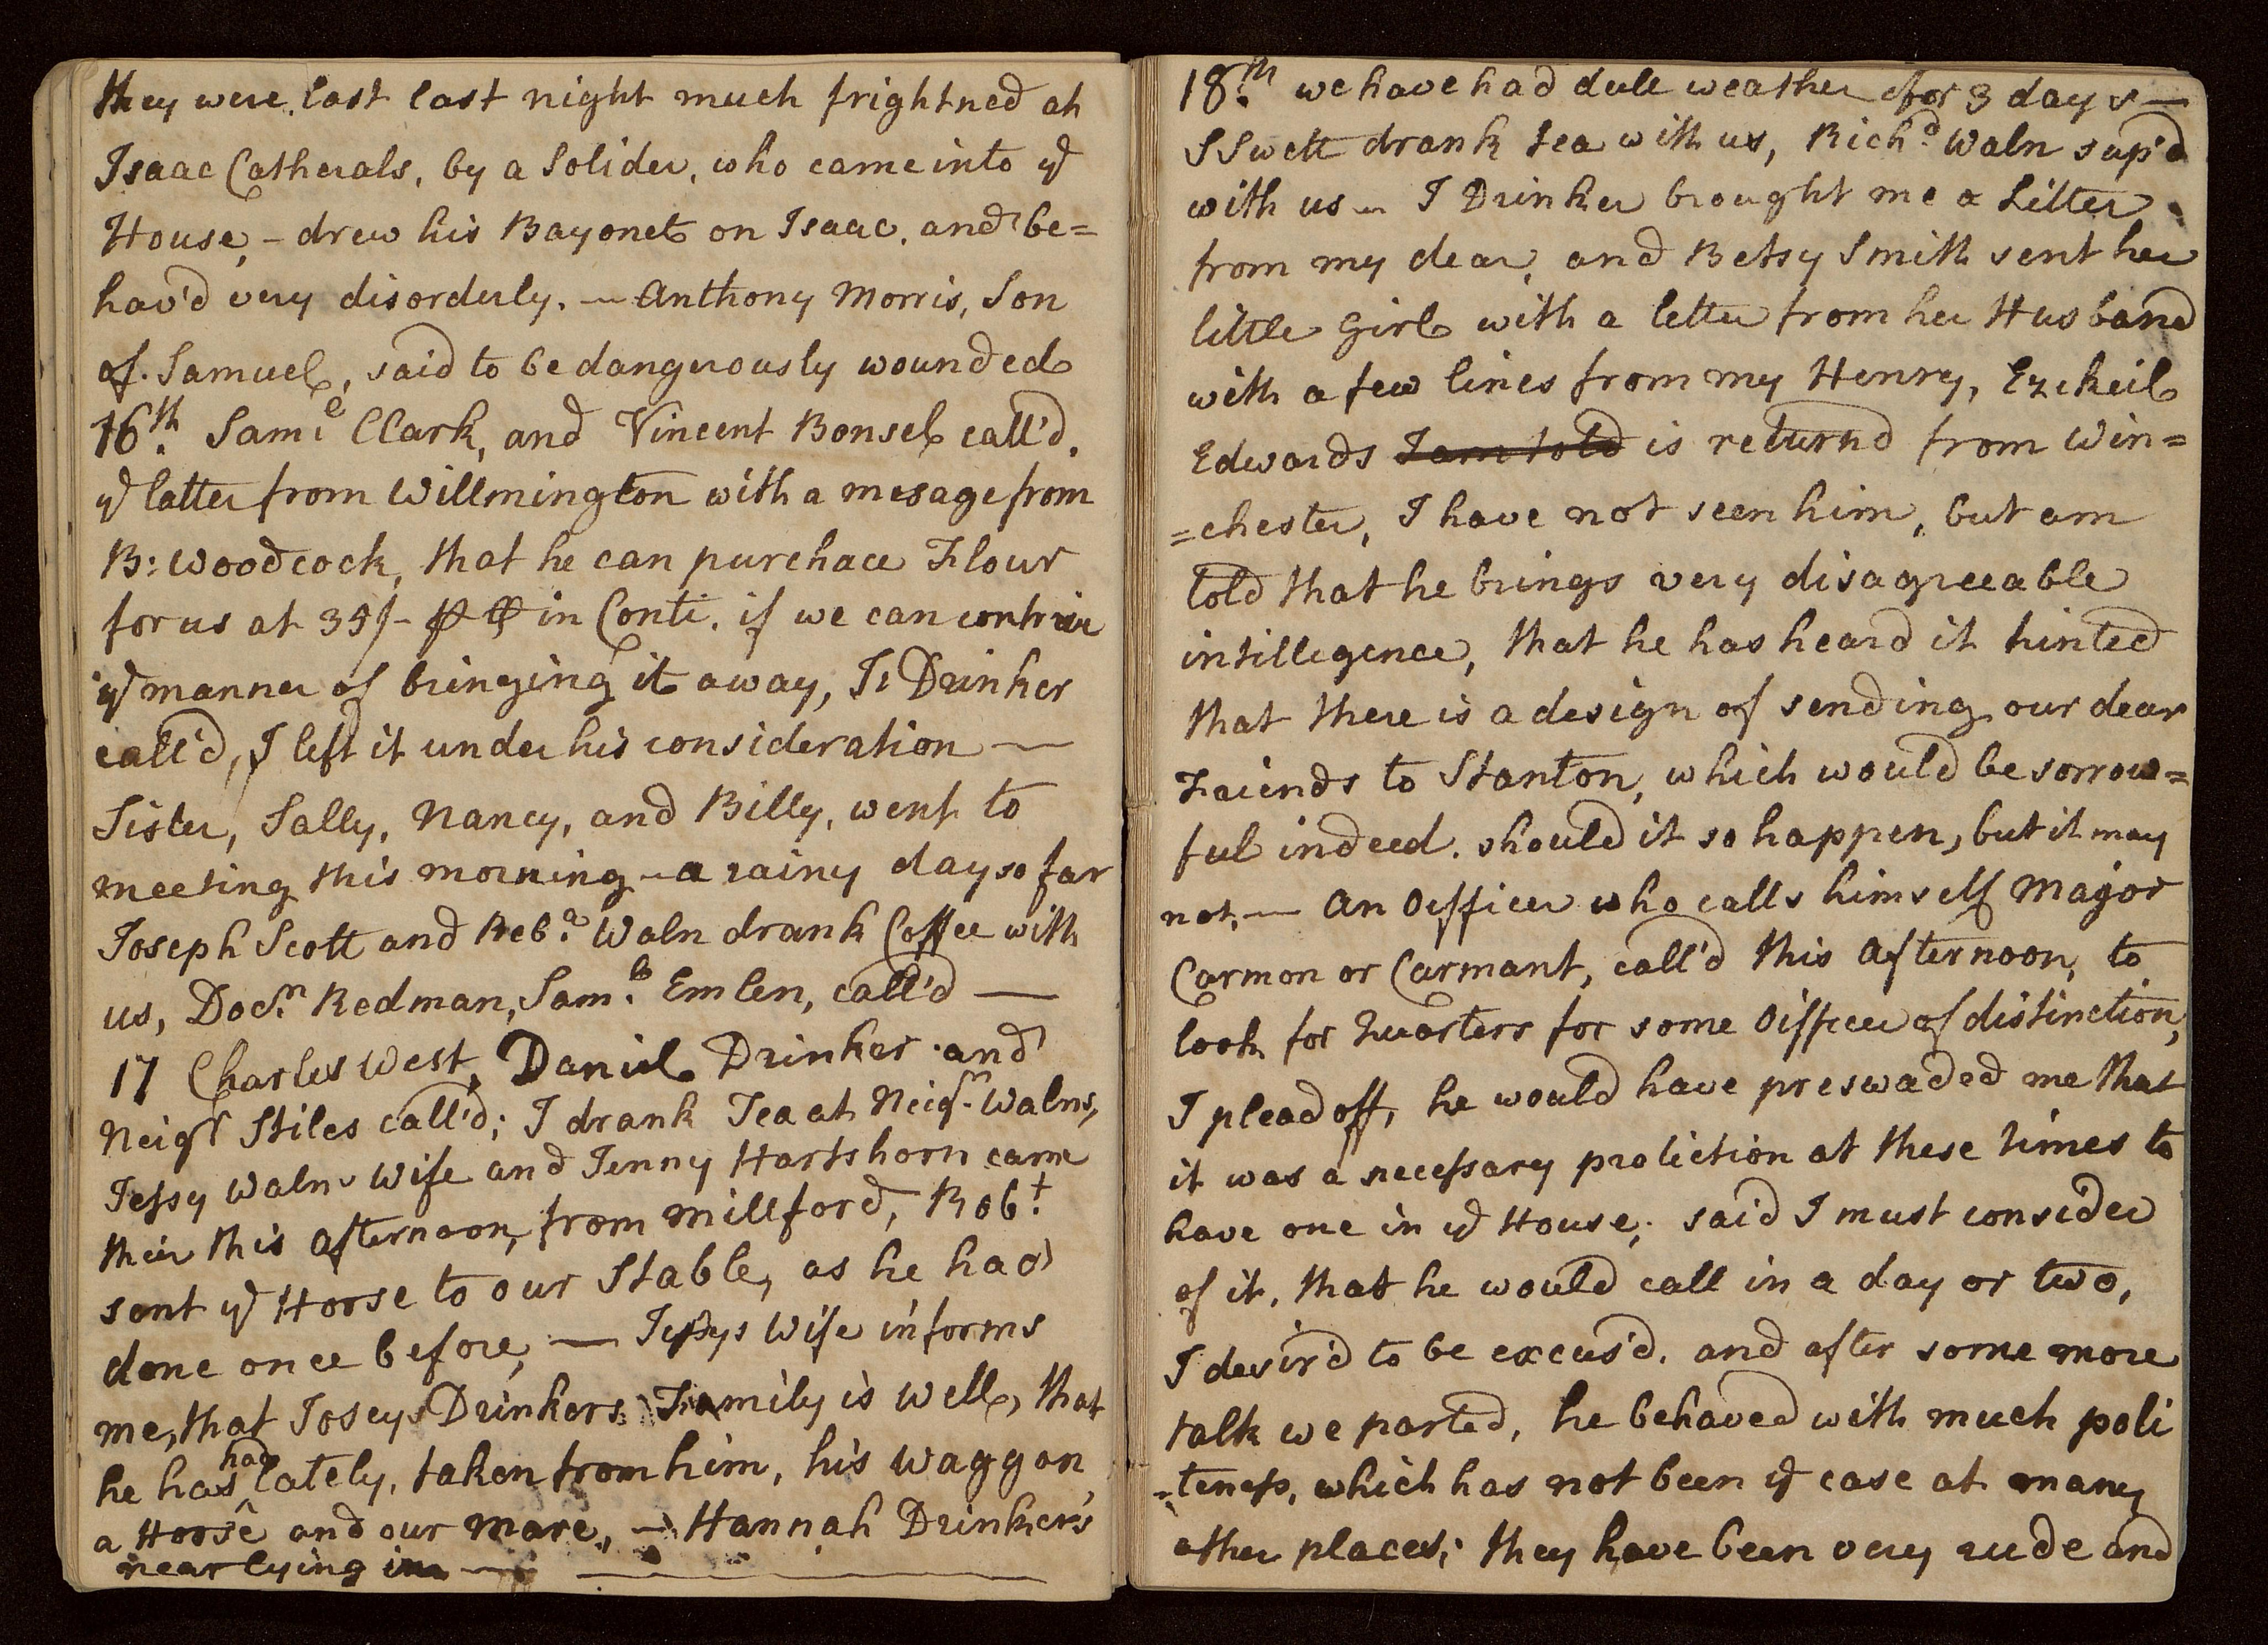they were last last night much frightned at
Isaac Catherals, by a Solider, who came into y^e
House- drew his Bayonet on Isaac, and be-
hav'd very disorderly.- Anthony Morris, Son
of Samuel, said to be dangerously wounded
16^th. Sam^l. Clark, and Vincent Bonsel call'd.
y^e latter from Willmington with a mesage from
B: Woodcock, that he can purchace Flour
for us at 35s- per & in Conti. if we can contrive
y^e manner of bringing it away, I. Drinker
call'd, I left it under his consideration-
Sister, Sally, Nancy, and Billy, went to
meeting this morning -a rainy day so far
Joseph Scott and Reb^a. Waln drank Coffee with
us, Doc^r. Redman, Sam^l. Emlen, call'd-
17 Charles West, Daniel Drinker and
Neig^r. Stiles call'd; I drank Tea at Neig^r. Walns,
Jessy Walns Wife and Jenny Hartshorn came
their this afternoon from Millford, Rob^t.
sent y^e Horse to our Stable, as he had
done once before,- Jessys wife informs
me, that Josey Drinkers Family is well, that
had
he has ^ lately, taken from him, his waggon,
a Horse and our mare,- Hannah Drinker's
near lying in-
18^th. we have had dull weather for 3 days-
S Swett drank tea with us, Rich^d. Waln sup'd
with us- I Drinker brought me a Litter
from my dear and Betsy Smith sent her
little girl with a letter from her Husband
with a few lines from my Henry, Ezekeil
Edwards [I am told] is returnd from Win-
-chester, I have not seen him, but am
told that he brings very disagreeable
intilligence, that he has heard it hinted
that there is a design of sending our dear
Friends to Stanton, which would be sorrow-
ful indeed should it so happen, but it may
not.- An Oifficer who calls himself Major
Corman or Carmant, call'd this Afternoon, to
look for Quarters for some Oifficer of distinction,
I plead off, he would have preswaded me that
it was a necessary proliction at these times to
have one in y^e House; said I must consider
of it, that he would call in a day or two,
I desir'd to be excus'd, and after some more
talk we parted, he behaved with much poli
-teness, which has not been y^e case at many
other places; they have been very rude and